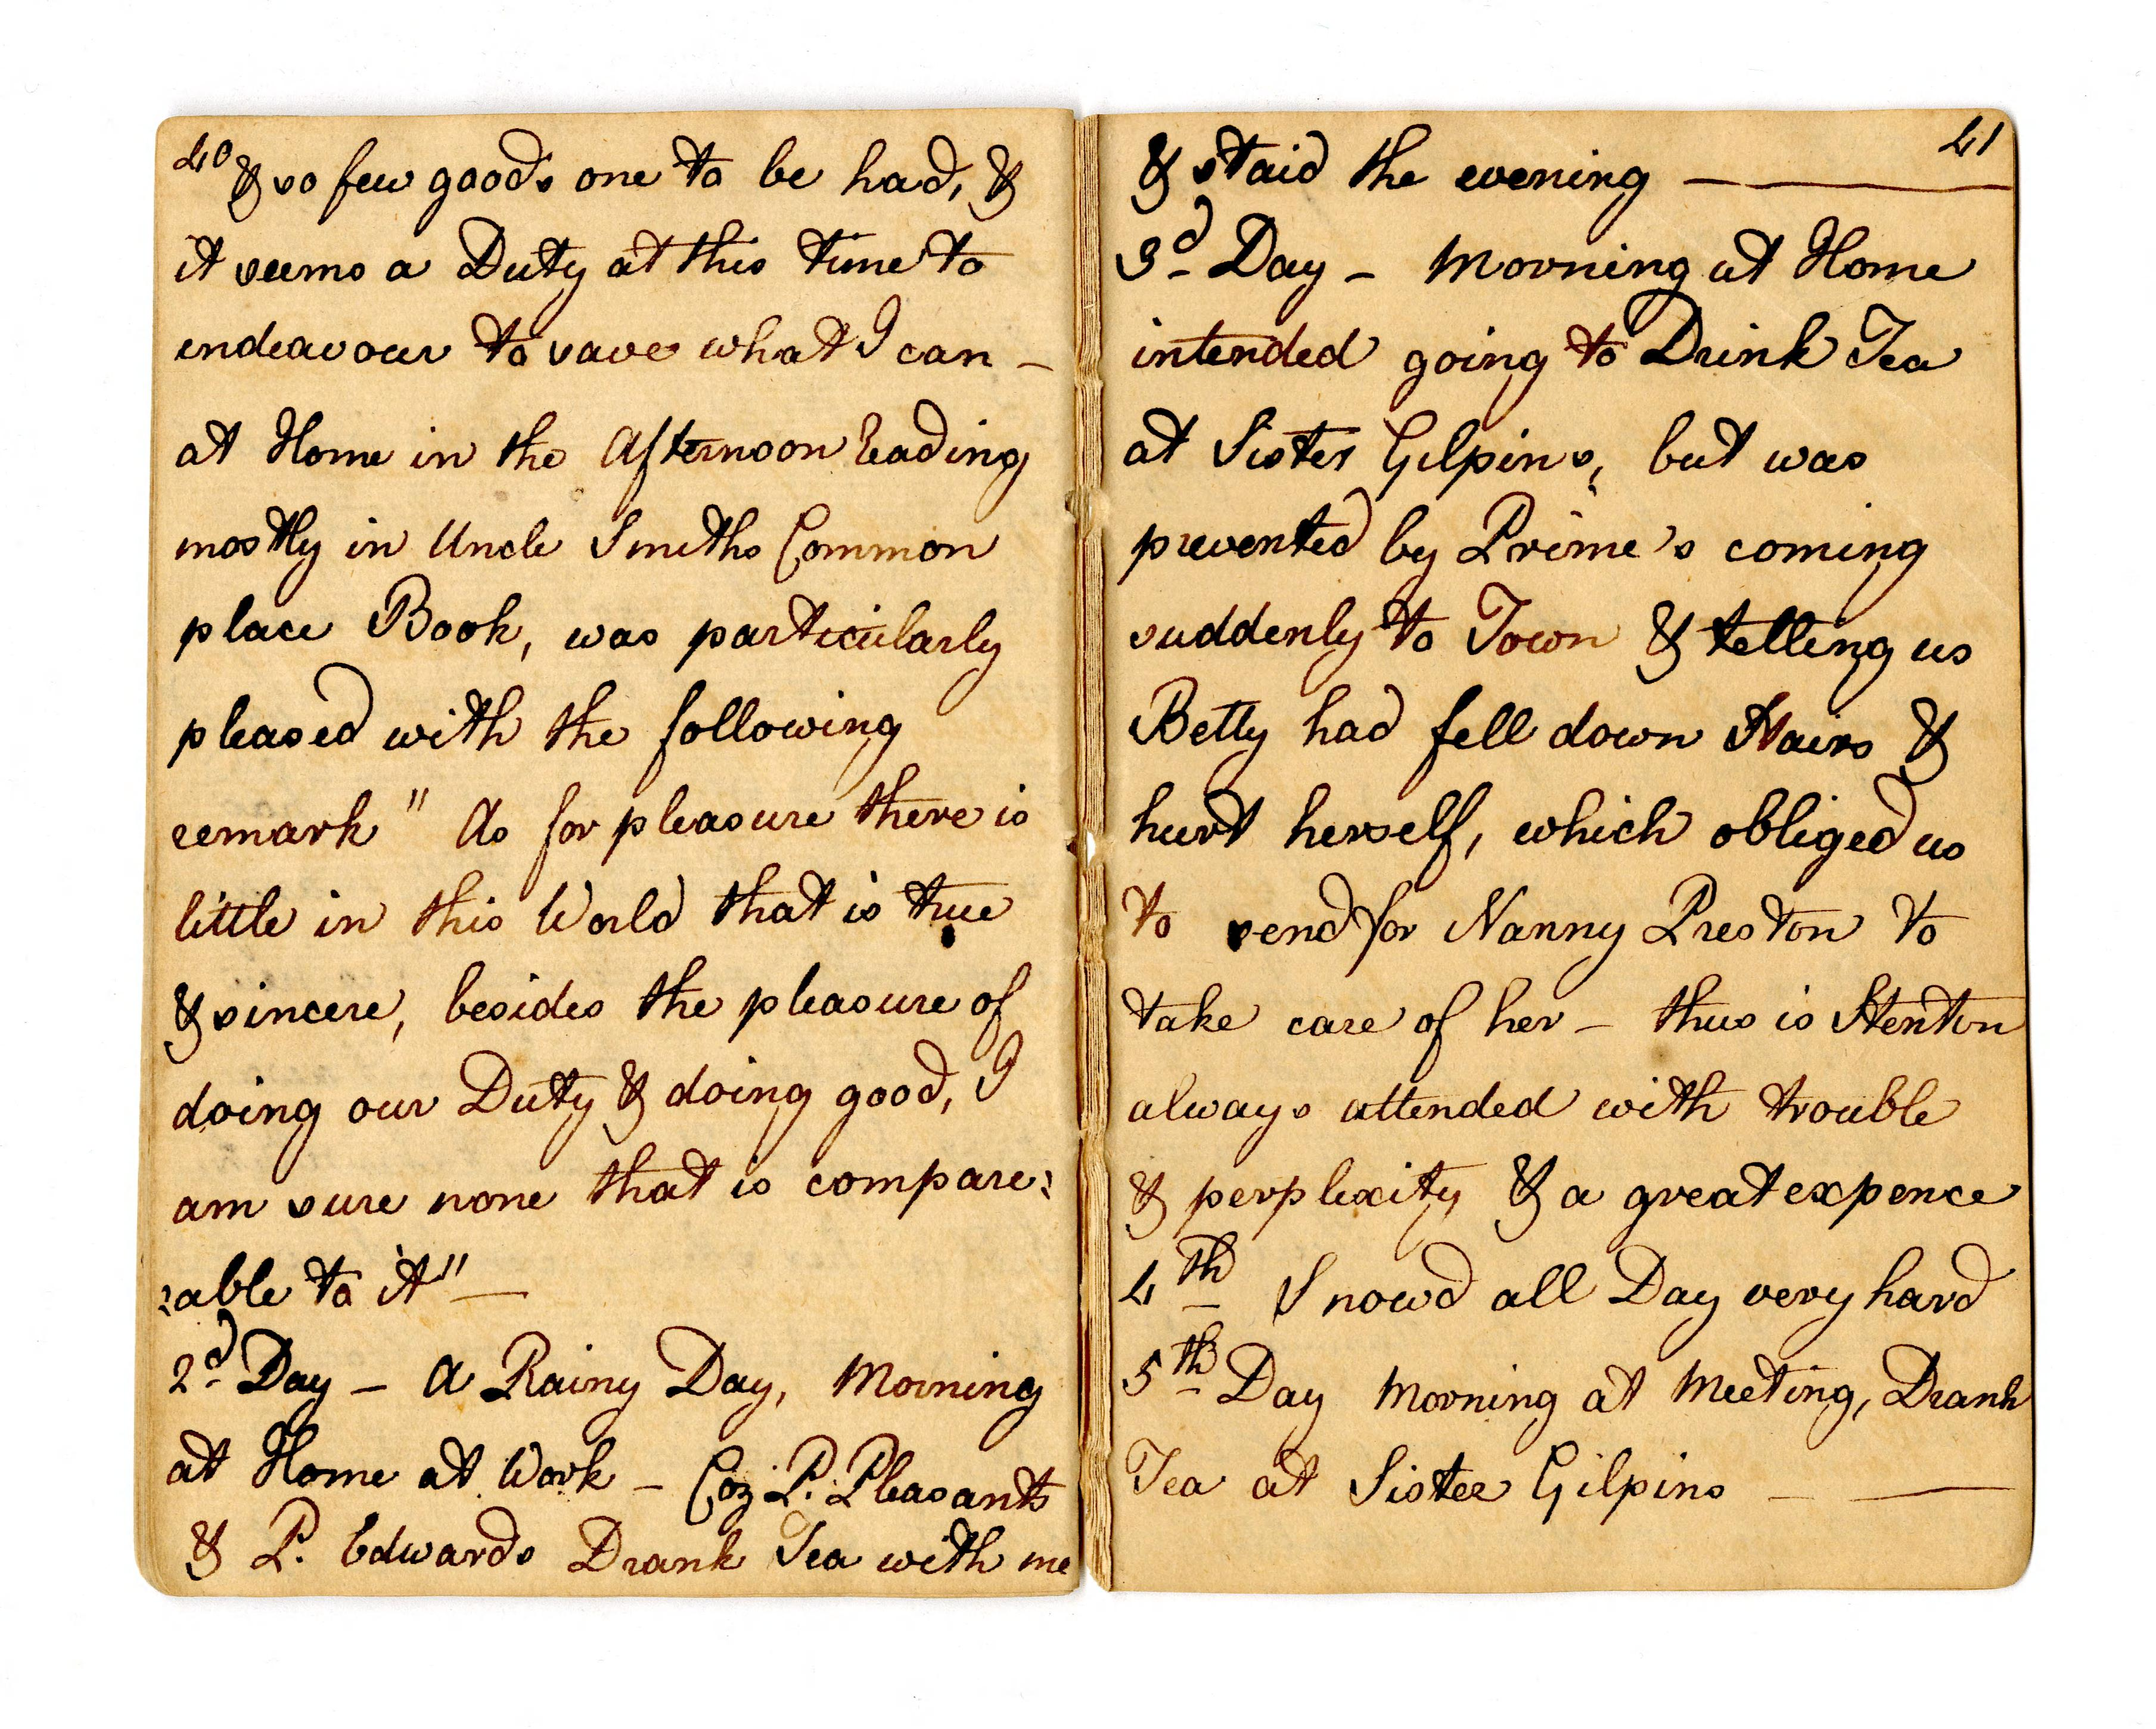40
& so few goods one to be had, &
it seems a Duty at this time to
endeavour to save what I can-
at Home in the Afternoon reading
mostly in Uncle Smiths Common
place Book, was particularly
pleased with the following
remark "As for pleasure there is
little in this World that is true
& sincere, besides the pleasure of
doing our Duty & doing good, I
am sure none that is compare-
-able to it"-
2^d. Day- A Rainy Day, Morning
at Home at Work- Coz P. Pleasants
& P. Edwards Drank Tea with me
41
& staid the evening
3^d Day- Morning at Home
intended going to Drink Tea
as Sister Gilpins, but was
prevented by Prime's coming
suddenly to Town & telling us
Betty had fell down Stairs &
hurt herself, which obliged us
to send for Nanny Preston to
take care of her- thus is Stenton
always attended with trouble
& perplexity & a great expence
4^th- Snowd all Day very hard
5^th. Day Morning at Meeting, Drank
Tea at Sister Gilpins